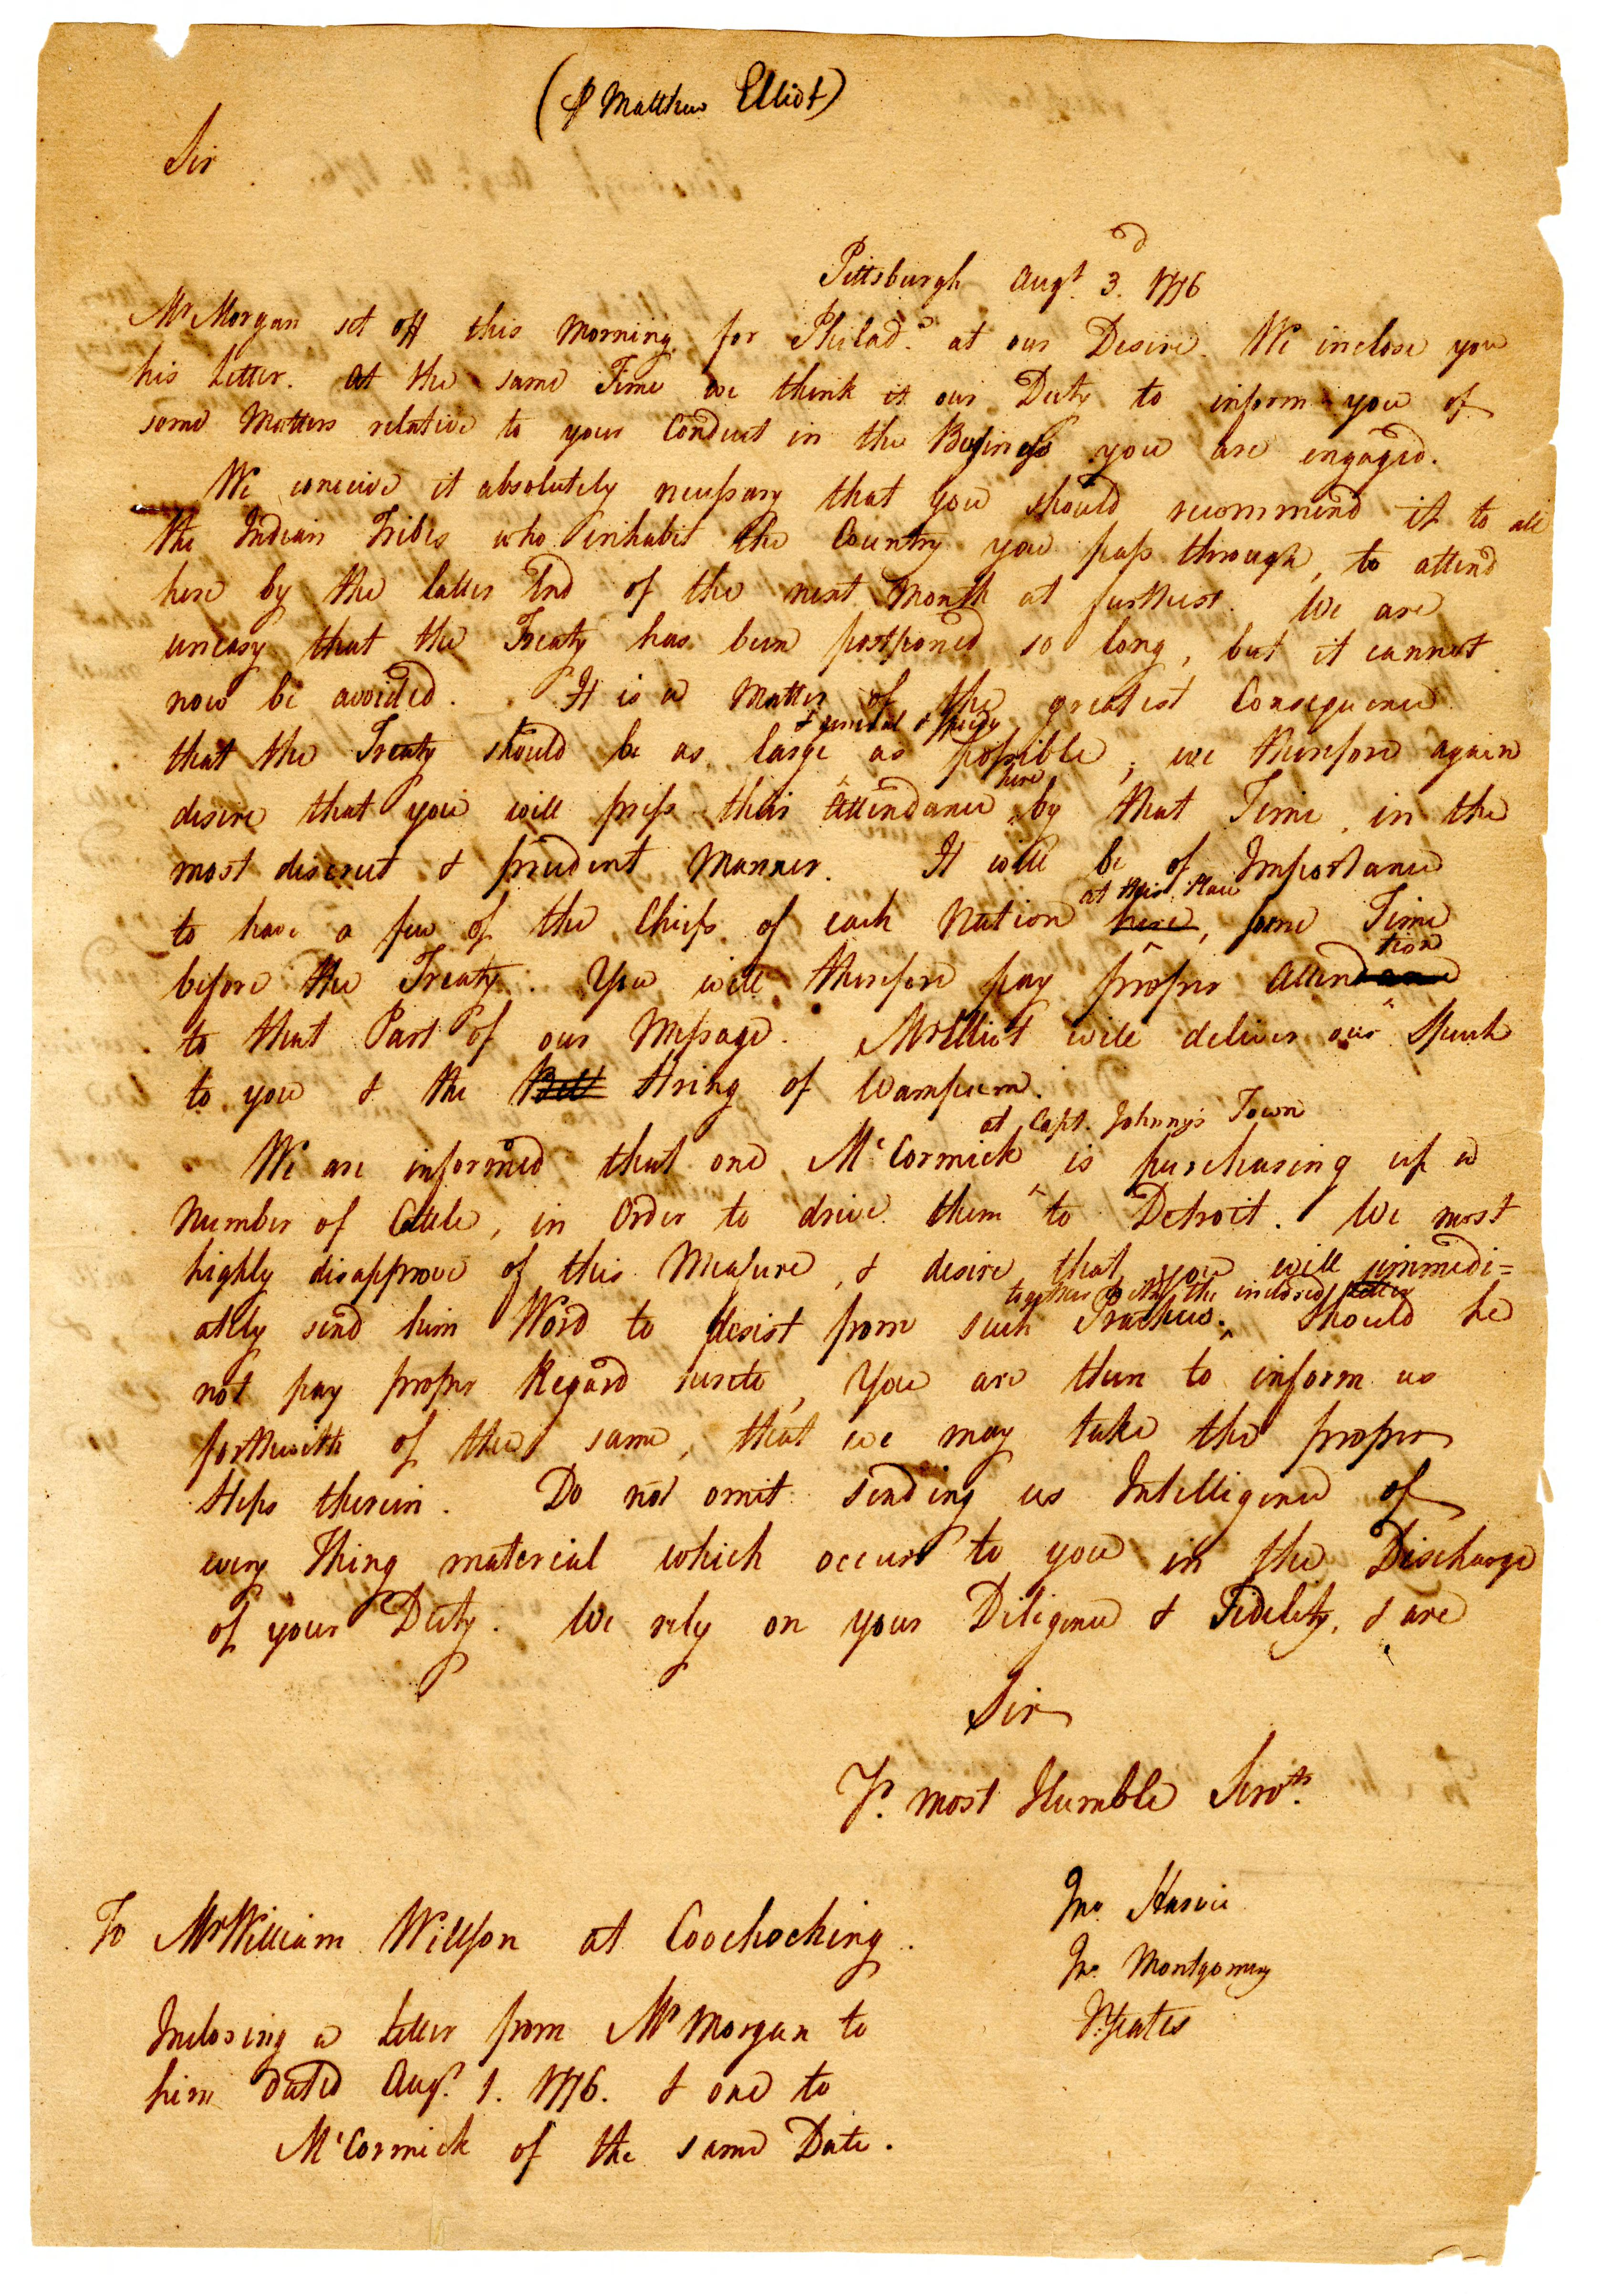(Per Matthew Elliot)
Pittsburgh Aug^t. 3. 1776
Sir
M^r Morgan set off this morning for Philad^a. at our Desire. We inclose you
his Letter. At the same Time we think it our Duty to inform you of
some Matters relative to your Conduct in the Business you are engaged.
We conceive it absolutely necessary that you should recommend it to all
the Indian Tribes who inhabit the Country you pass through, to attend
here by the latter End of the next Month at furthest. We are
uneasy that the Treaty has been postponed so long, but it cannot
now be avoided. It is a matter of the greatest Consequence.
& general & speedy
that the Treaty should be as large^ as possible; we therefore again
here
desire that you will press this attendance ^ by that Time in the
most discreet & prudent manner. It will be of Importance
at this Place
to have a few of the Chiefs of each nation here^, some time
tion
before the Treaty. You will therefore pay proper attendance^
to that Part of our Message. M^r Elliot will deliver our Speech
to you & the Belt String of Wampum.
at Capt. Johnny's Town
We are informed that one M^cCormick ^ is purchasing up a
number of cattle, in order to drive them to Detroit. We most
highly disapprove of this Measure, & desire that you will immedi-
together with the inclosed letter
ately send him Word to desist from such Practices.^ Should he
not pay proper Regard unto, You are then to inform us
forthwith of the same, that we may take the proper
steps therein. Do not omit sending us Intelligence of
every Thing material which occurs to you in the Discharge
of your Duty. We rely on your Diligence & Fidelity, & are
Sir
Y^r. most Humble Serv^ts.
M^r Harvie
M^r Montgomery
J. Yeates
To M^r William Wilson at Coochocking.
Inclosing a Letter from M^r Morgan to
him dated Aug. 1. 1776. & one to
M^cCormick of the same Date.